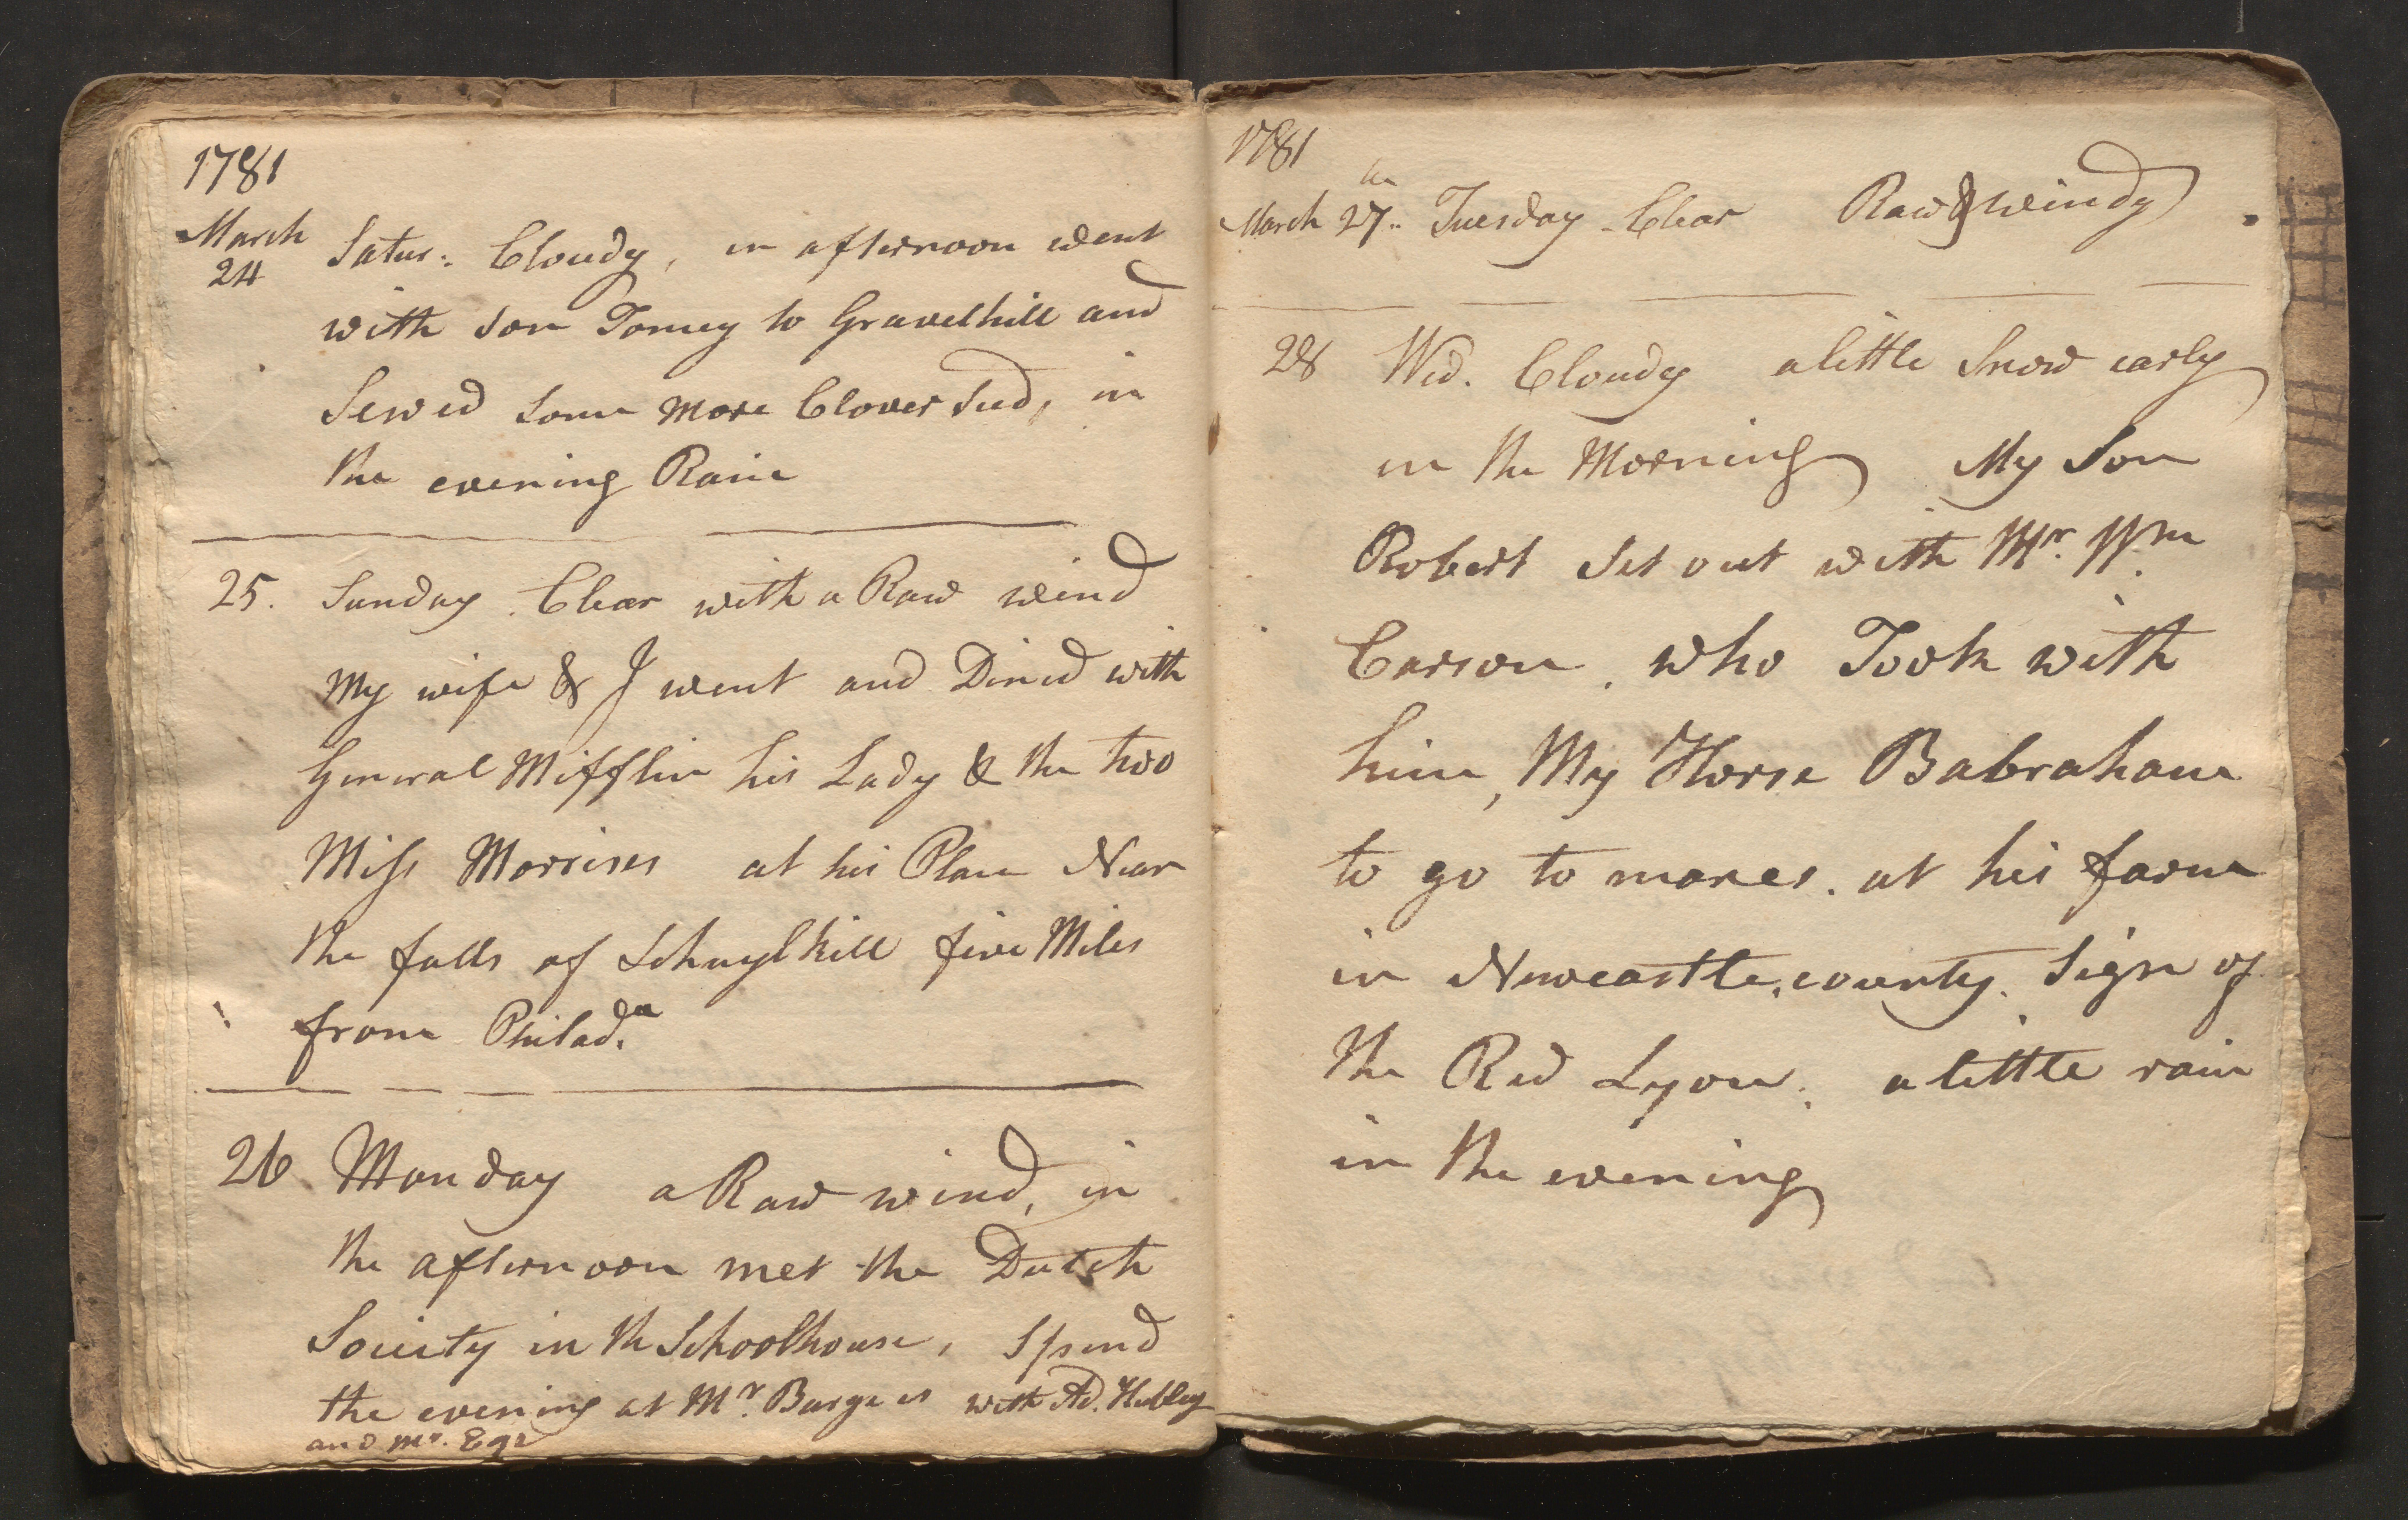1781
March
24
Satur: Cloudy, in afternoon went
with son Tomey to Gravelhill and
sewed some More Clover seed, in
the evening Rain
25. Sunday Clear with a Raw wind
My wife & I went and Dined with
General Mifflin his Lady & the two
Miss Morrises at his Place Near
the falls of Schuylkill five Miles
from Philad^a.
26 Monday a Raw wind, in
the afternoon met the Dutch
Soceity in the Schoolhouse, spend
the evening at M^r. Barges with Ad. Hubley
and M^r. Ege
1781
March 27^th. Tuesday Clear Raw & windy,
28 Wed. Cloudy a little Snow early
in the Morning My Son
Robert set out with M^r. W^m.
Carson who Took with
hine My Horse Babraham
to go to mares at his farm
in Newcastle county Sign of
the Red Lyon. a little rain
in the evening